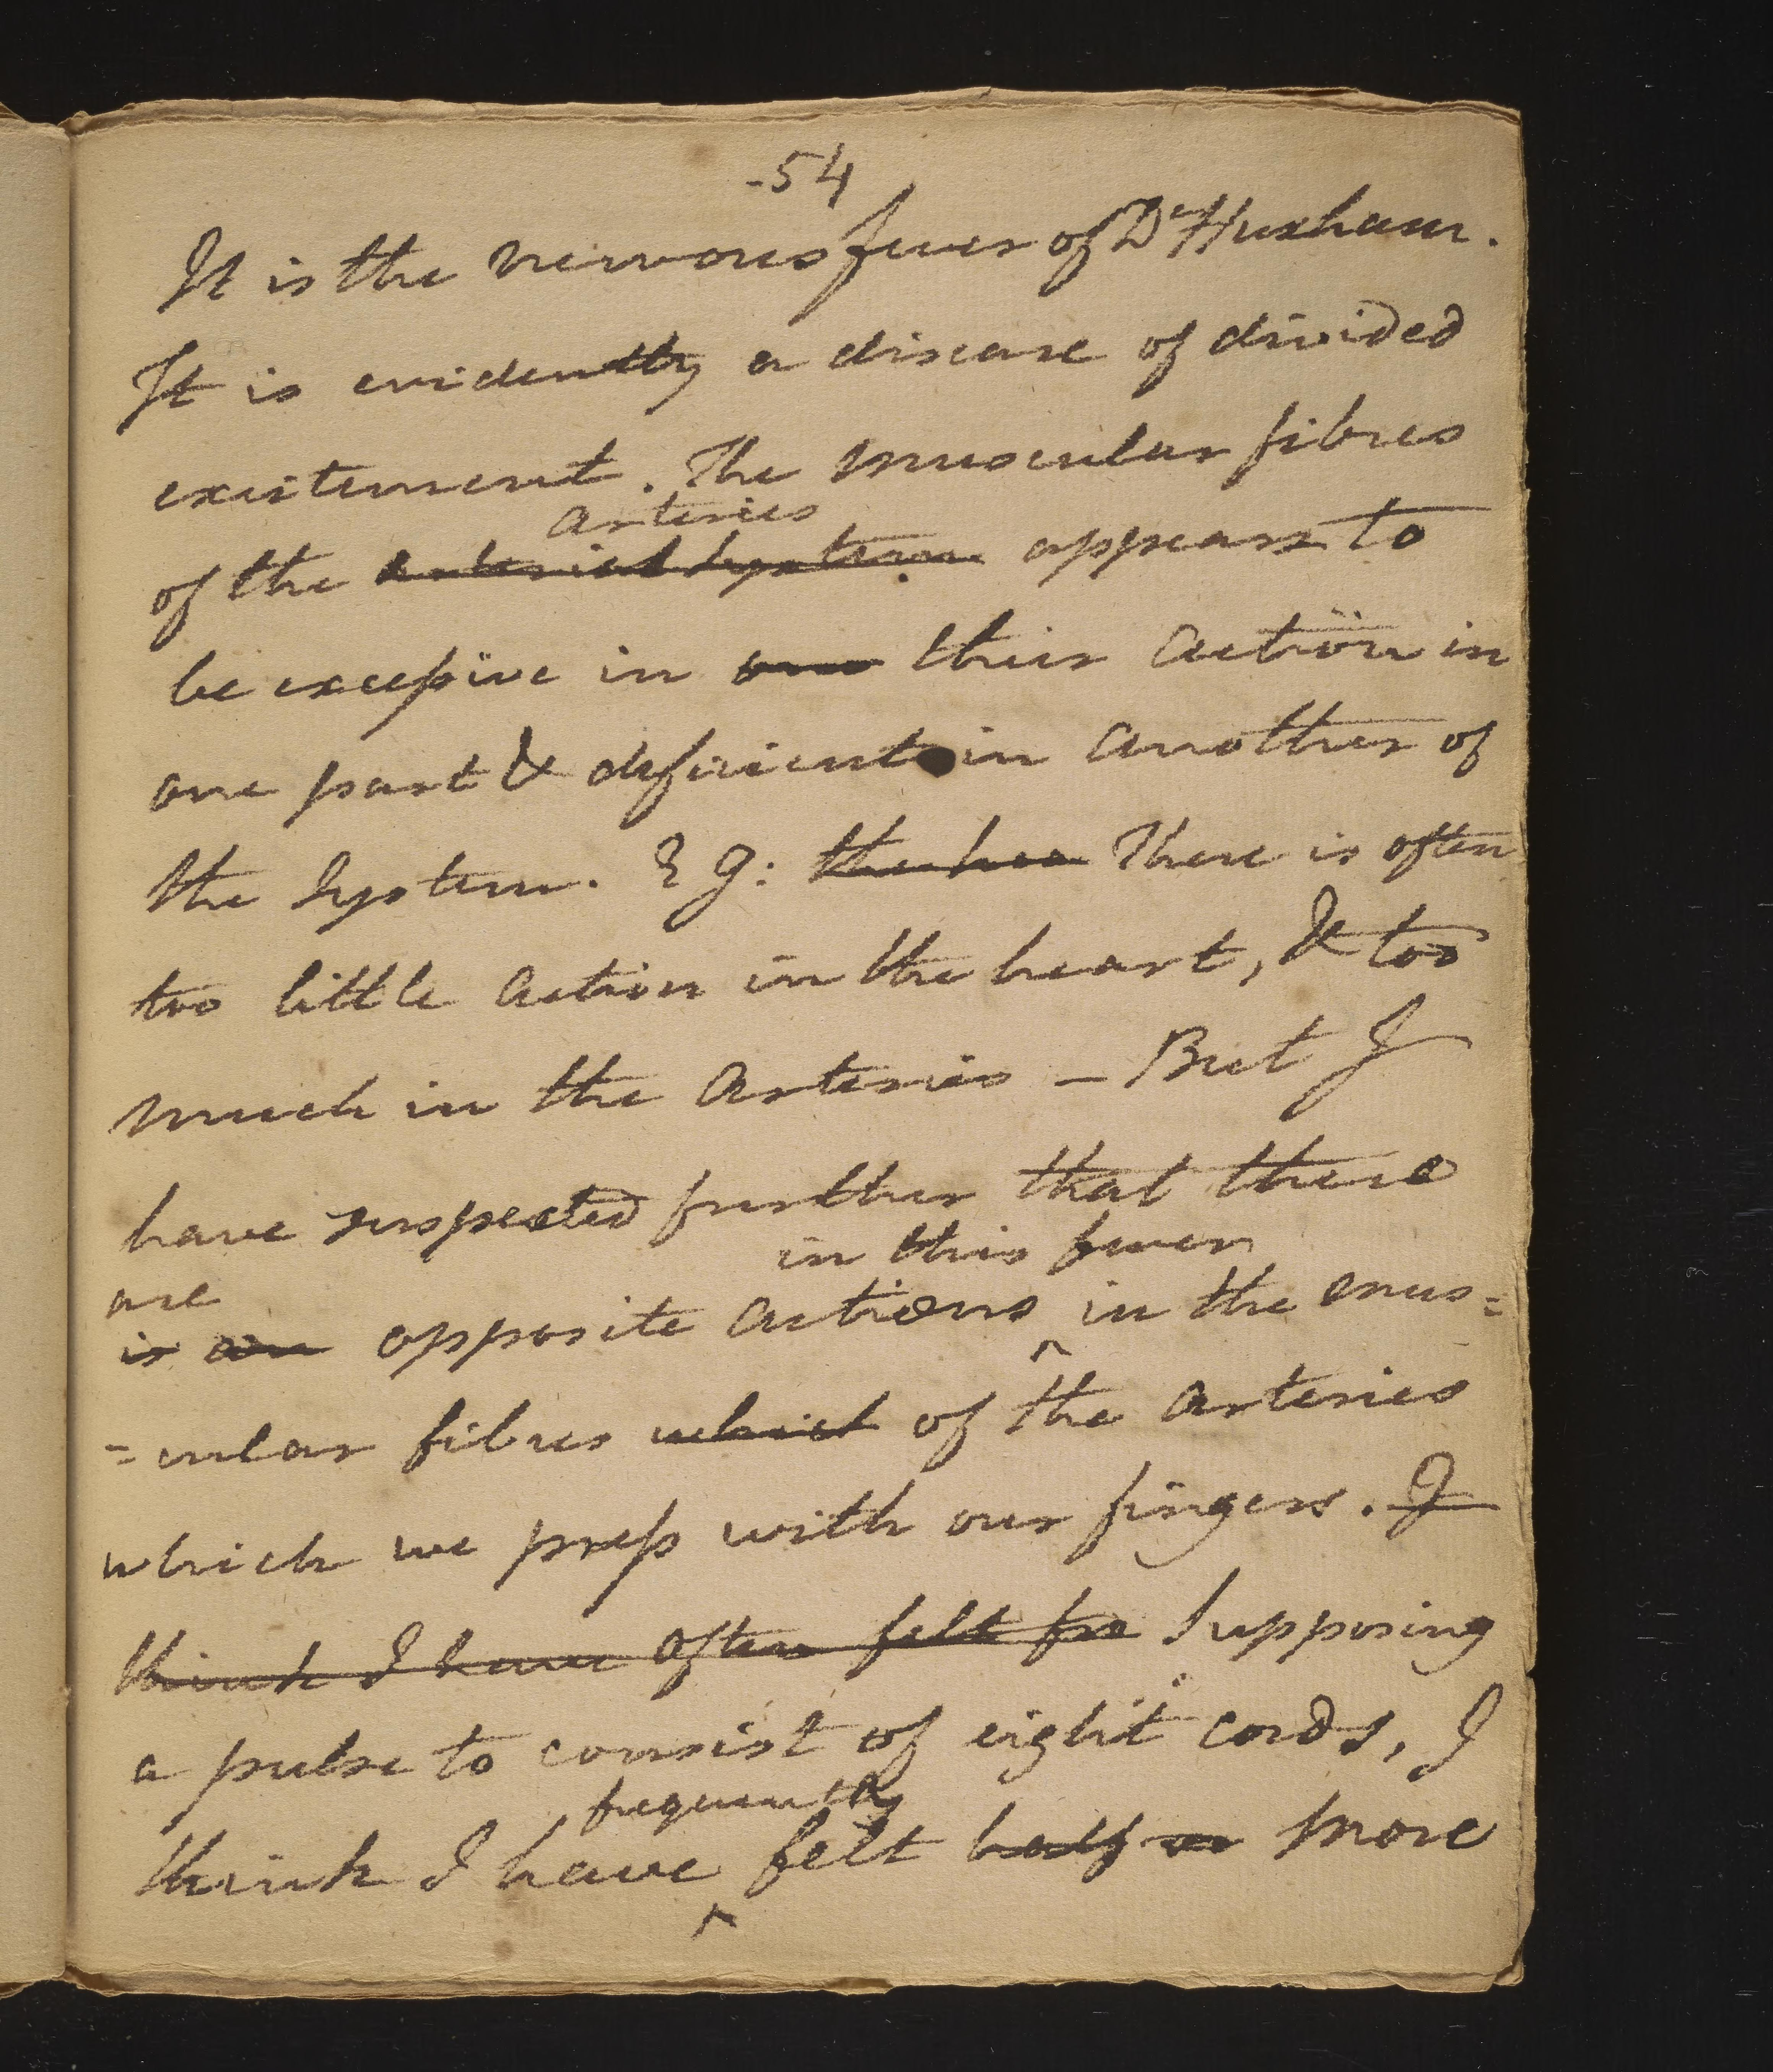54
It is the nervous fever of D^r Huxham.
It is evidently a disease of divided
excitement. The muscular fibres
arteries
of the [arterial system] appears to
be excessive in [one] their action in
are past & deficient in another of
the system. Eg. [the hea] There is often
two little Action in the heart, & too
much in the Arteries, But I
have epested further that there
are
in this fever
[is] [an] opposite actions in the mus-
-cular fibres [which] of the arteries
which we prep with our finger. I
[think I have often felt for] supposing
a pulse ot consist of eight cords, I
frequently
think I have ^ felt half [or] more